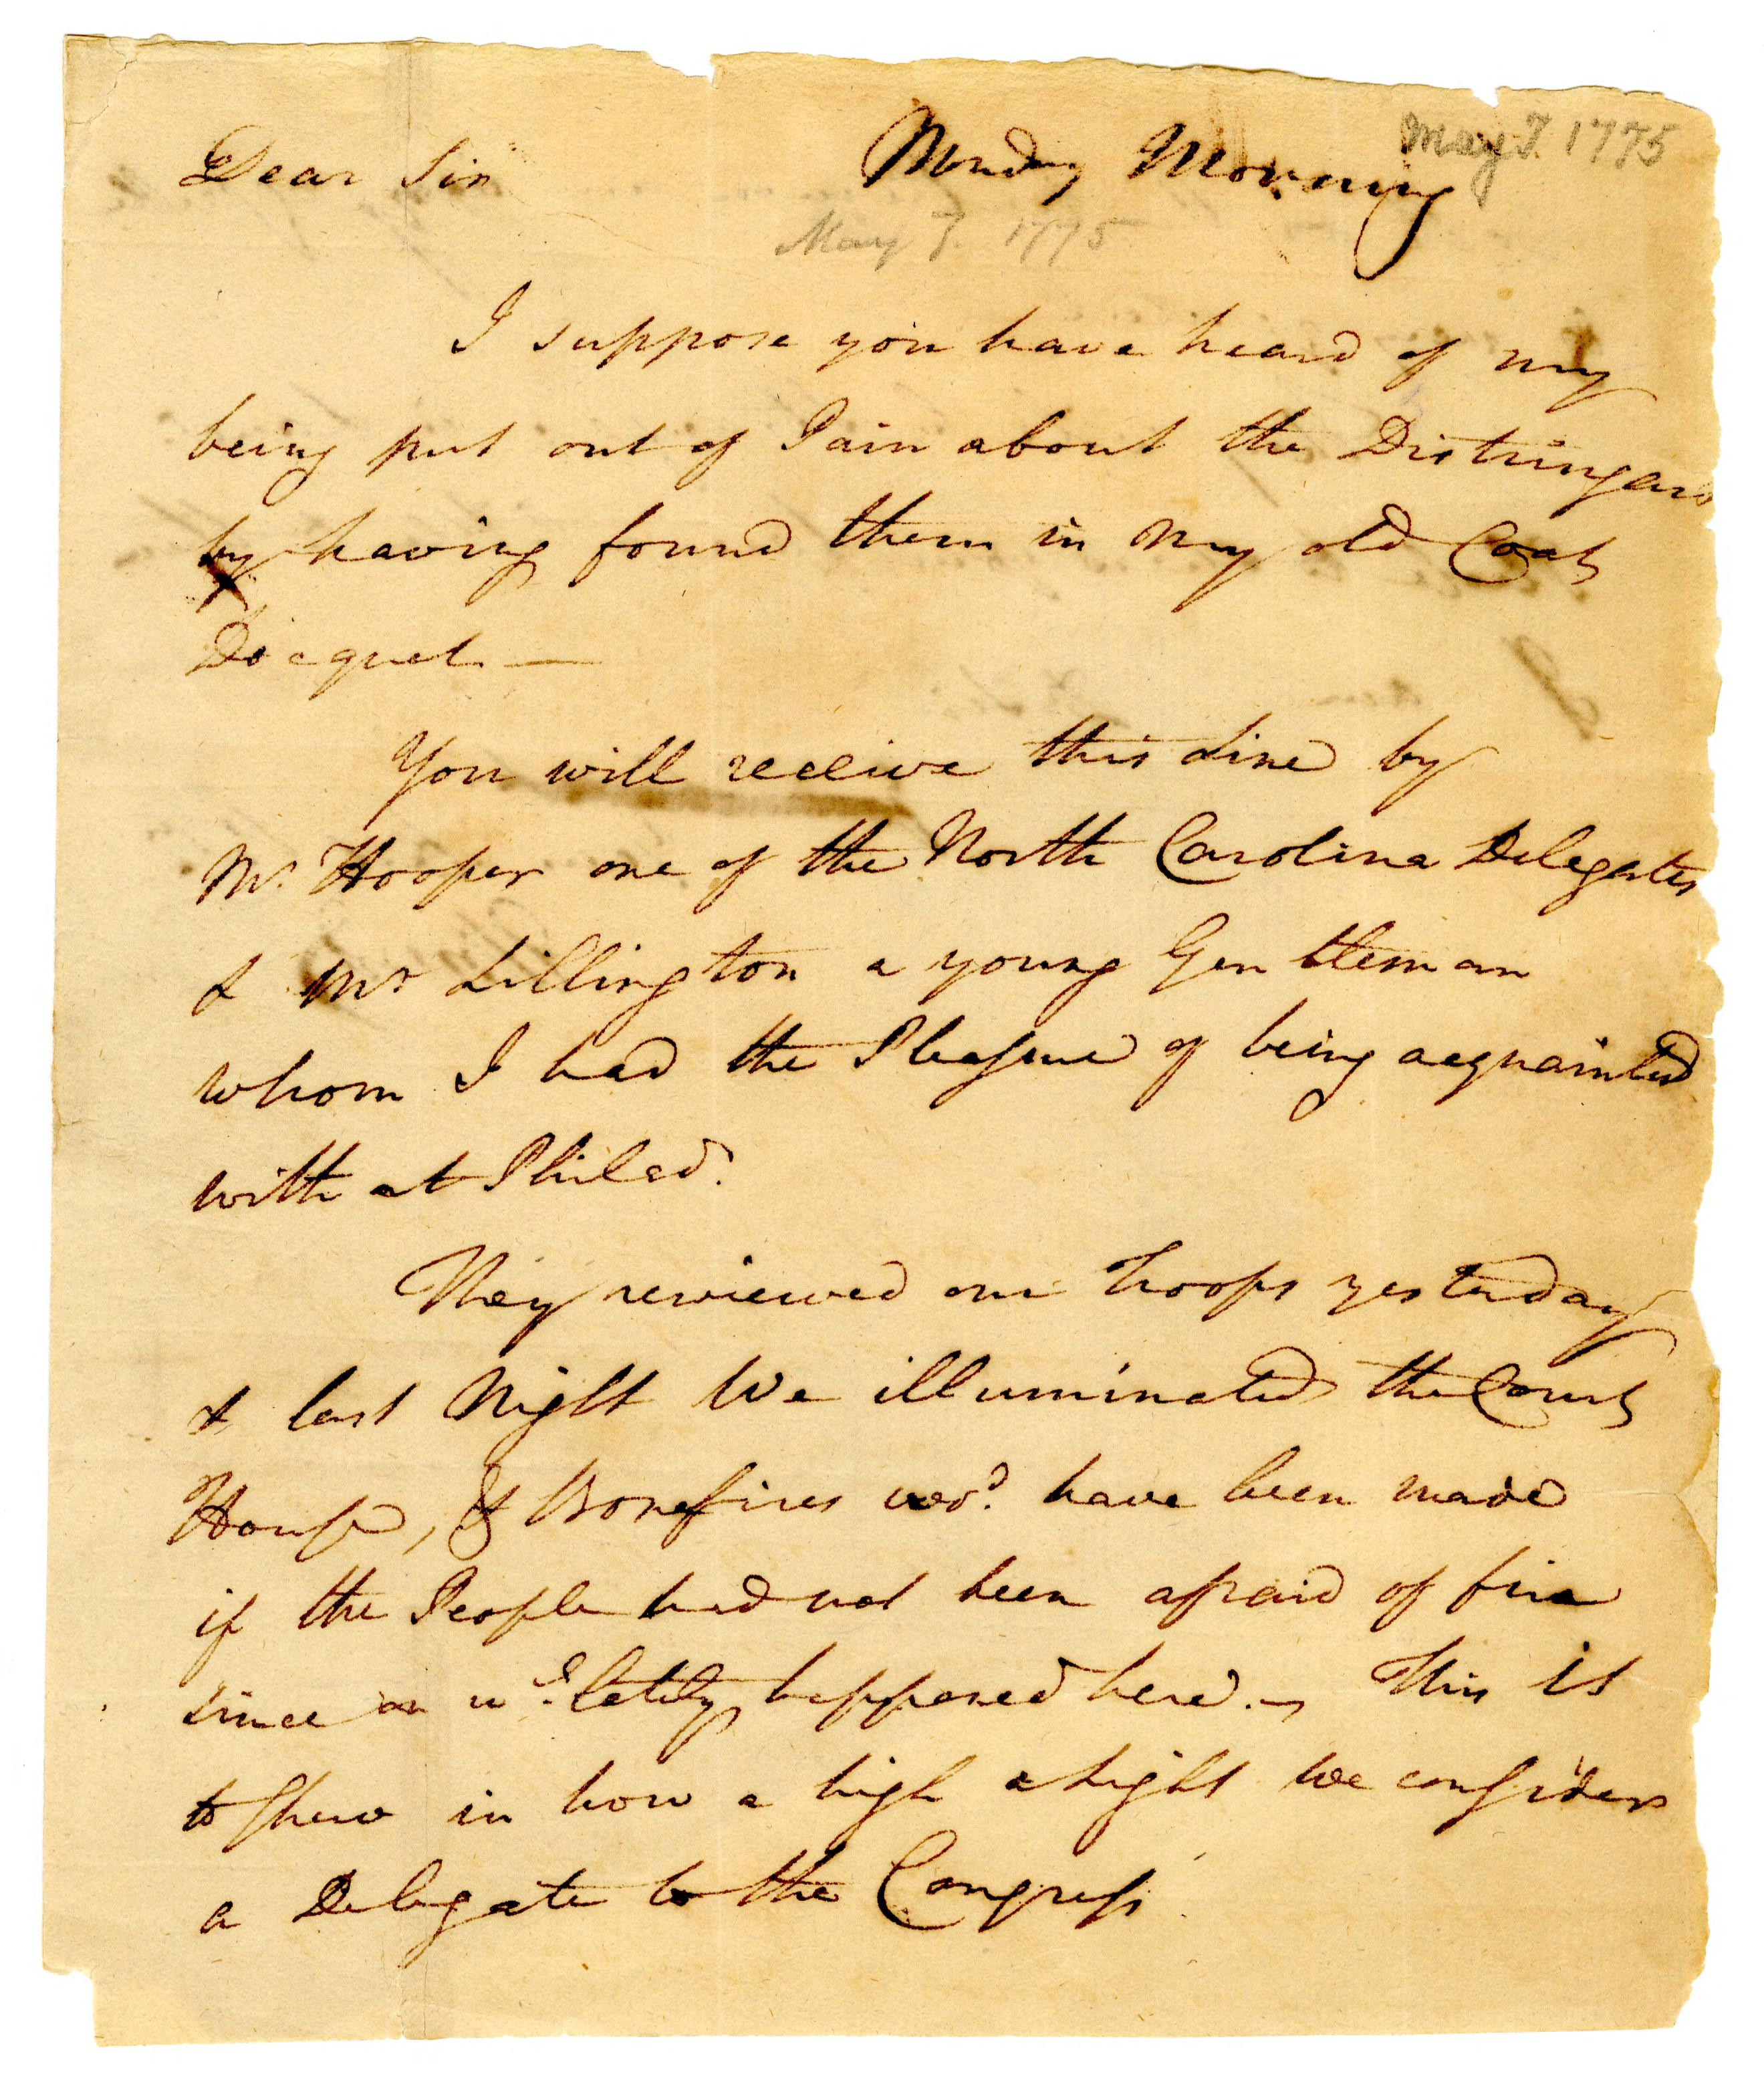Monday Morning
Dear Sir
I suppose you have heard of my
being put out of Pain about the Distrin gar
by having found them in my old Coat
Docquet
You will receive this Line by
M^r. Hooper one of the North Carolina Delegates
& M^rs Lillington a young Gentleman
whom I had the Pleasure of being acquainted
with at Philad^a.
They received our Troops yesterday
& last Night We illuminated the Court
House, & Bonfires wo^d. have been made
if the People had not been afraid of fire
since on w^ch. lately happened here. This is
to shew in how a high a height we consider
a Delegate to the Congress